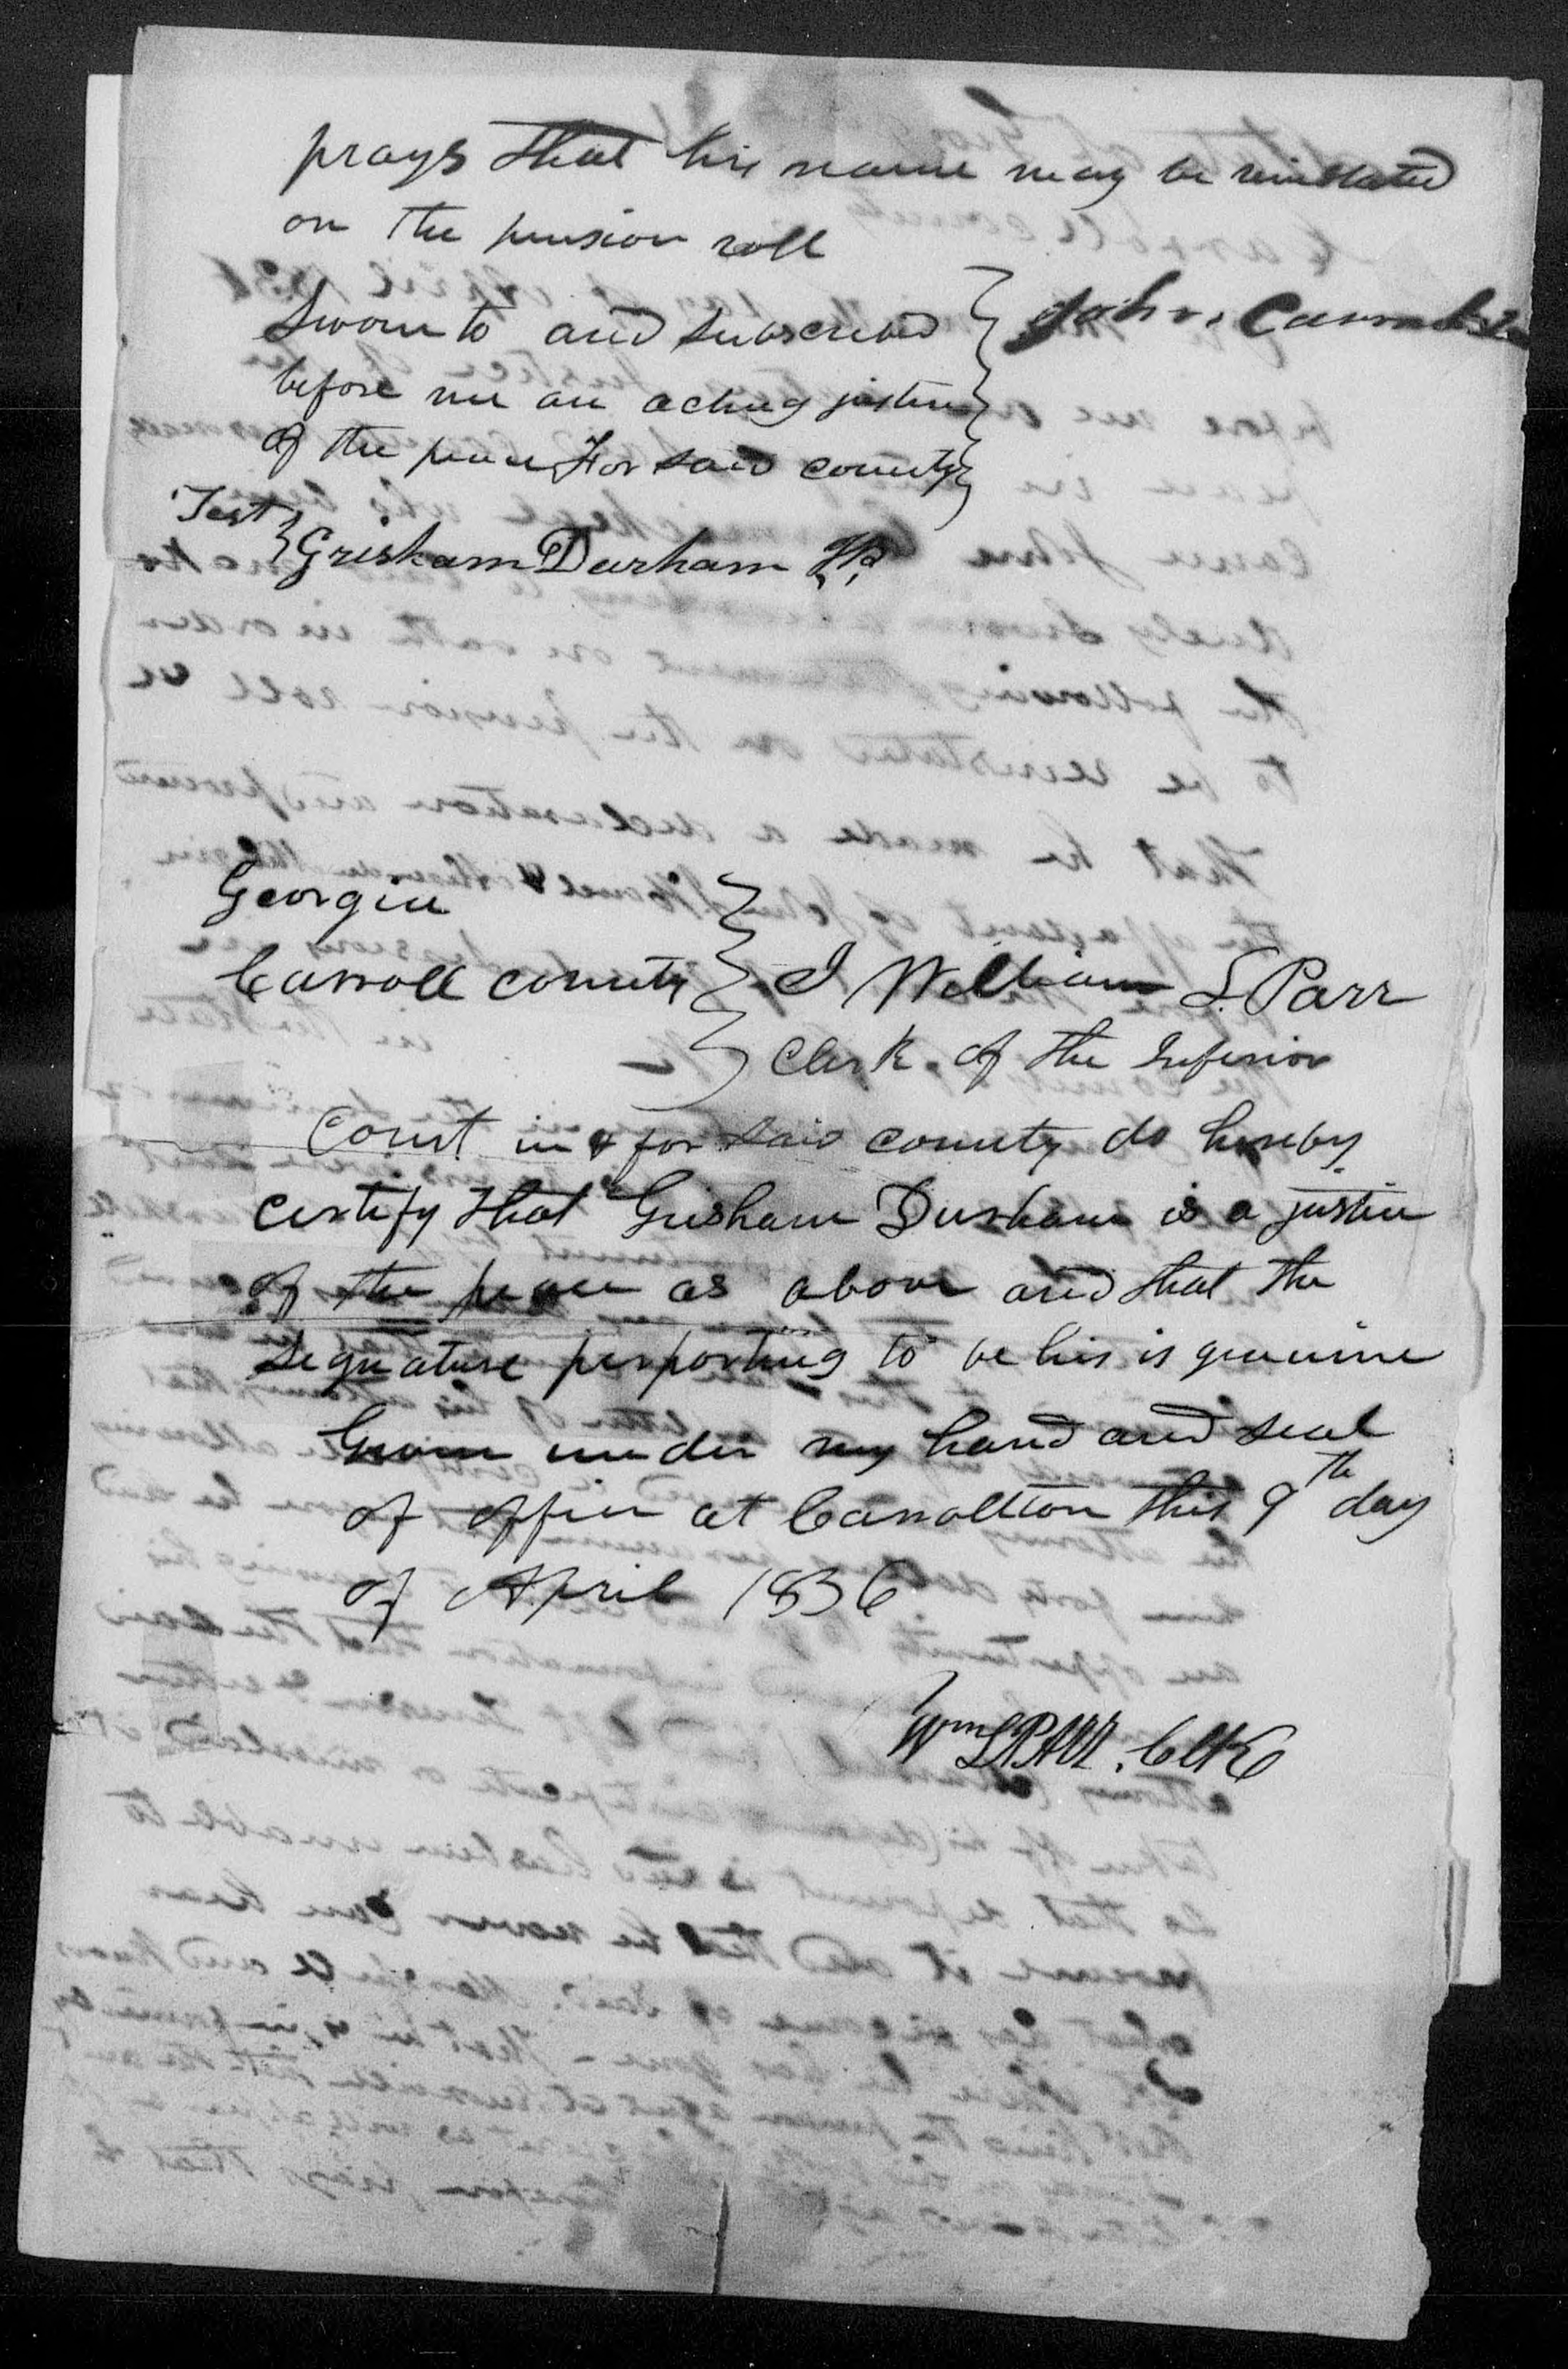prays that his name may be reinstated on the pension roll
John Carmi[chael]

Sworn to and Subscribed
Before me an acting justice
Of the peace For said county}
Test}
Grisham Durham, JP

Georgia
Carroll county }

I William L Parr
Clerk of the Superior Court in & for Said county do hereby certify that Grisham Durham is a justice of the peace as above and that the signature purporting to be his is genuine
Given under my hand and seal
of office at Carrollton this 9th day
of April 1836.

Wm L Parr, Clk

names: Grisham Durham, Grisham Durham, William L Parr, Wm L Parr, John Carman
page: 21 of 42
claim: survivor's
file: S. 31,595, John Carmickele, Penn.